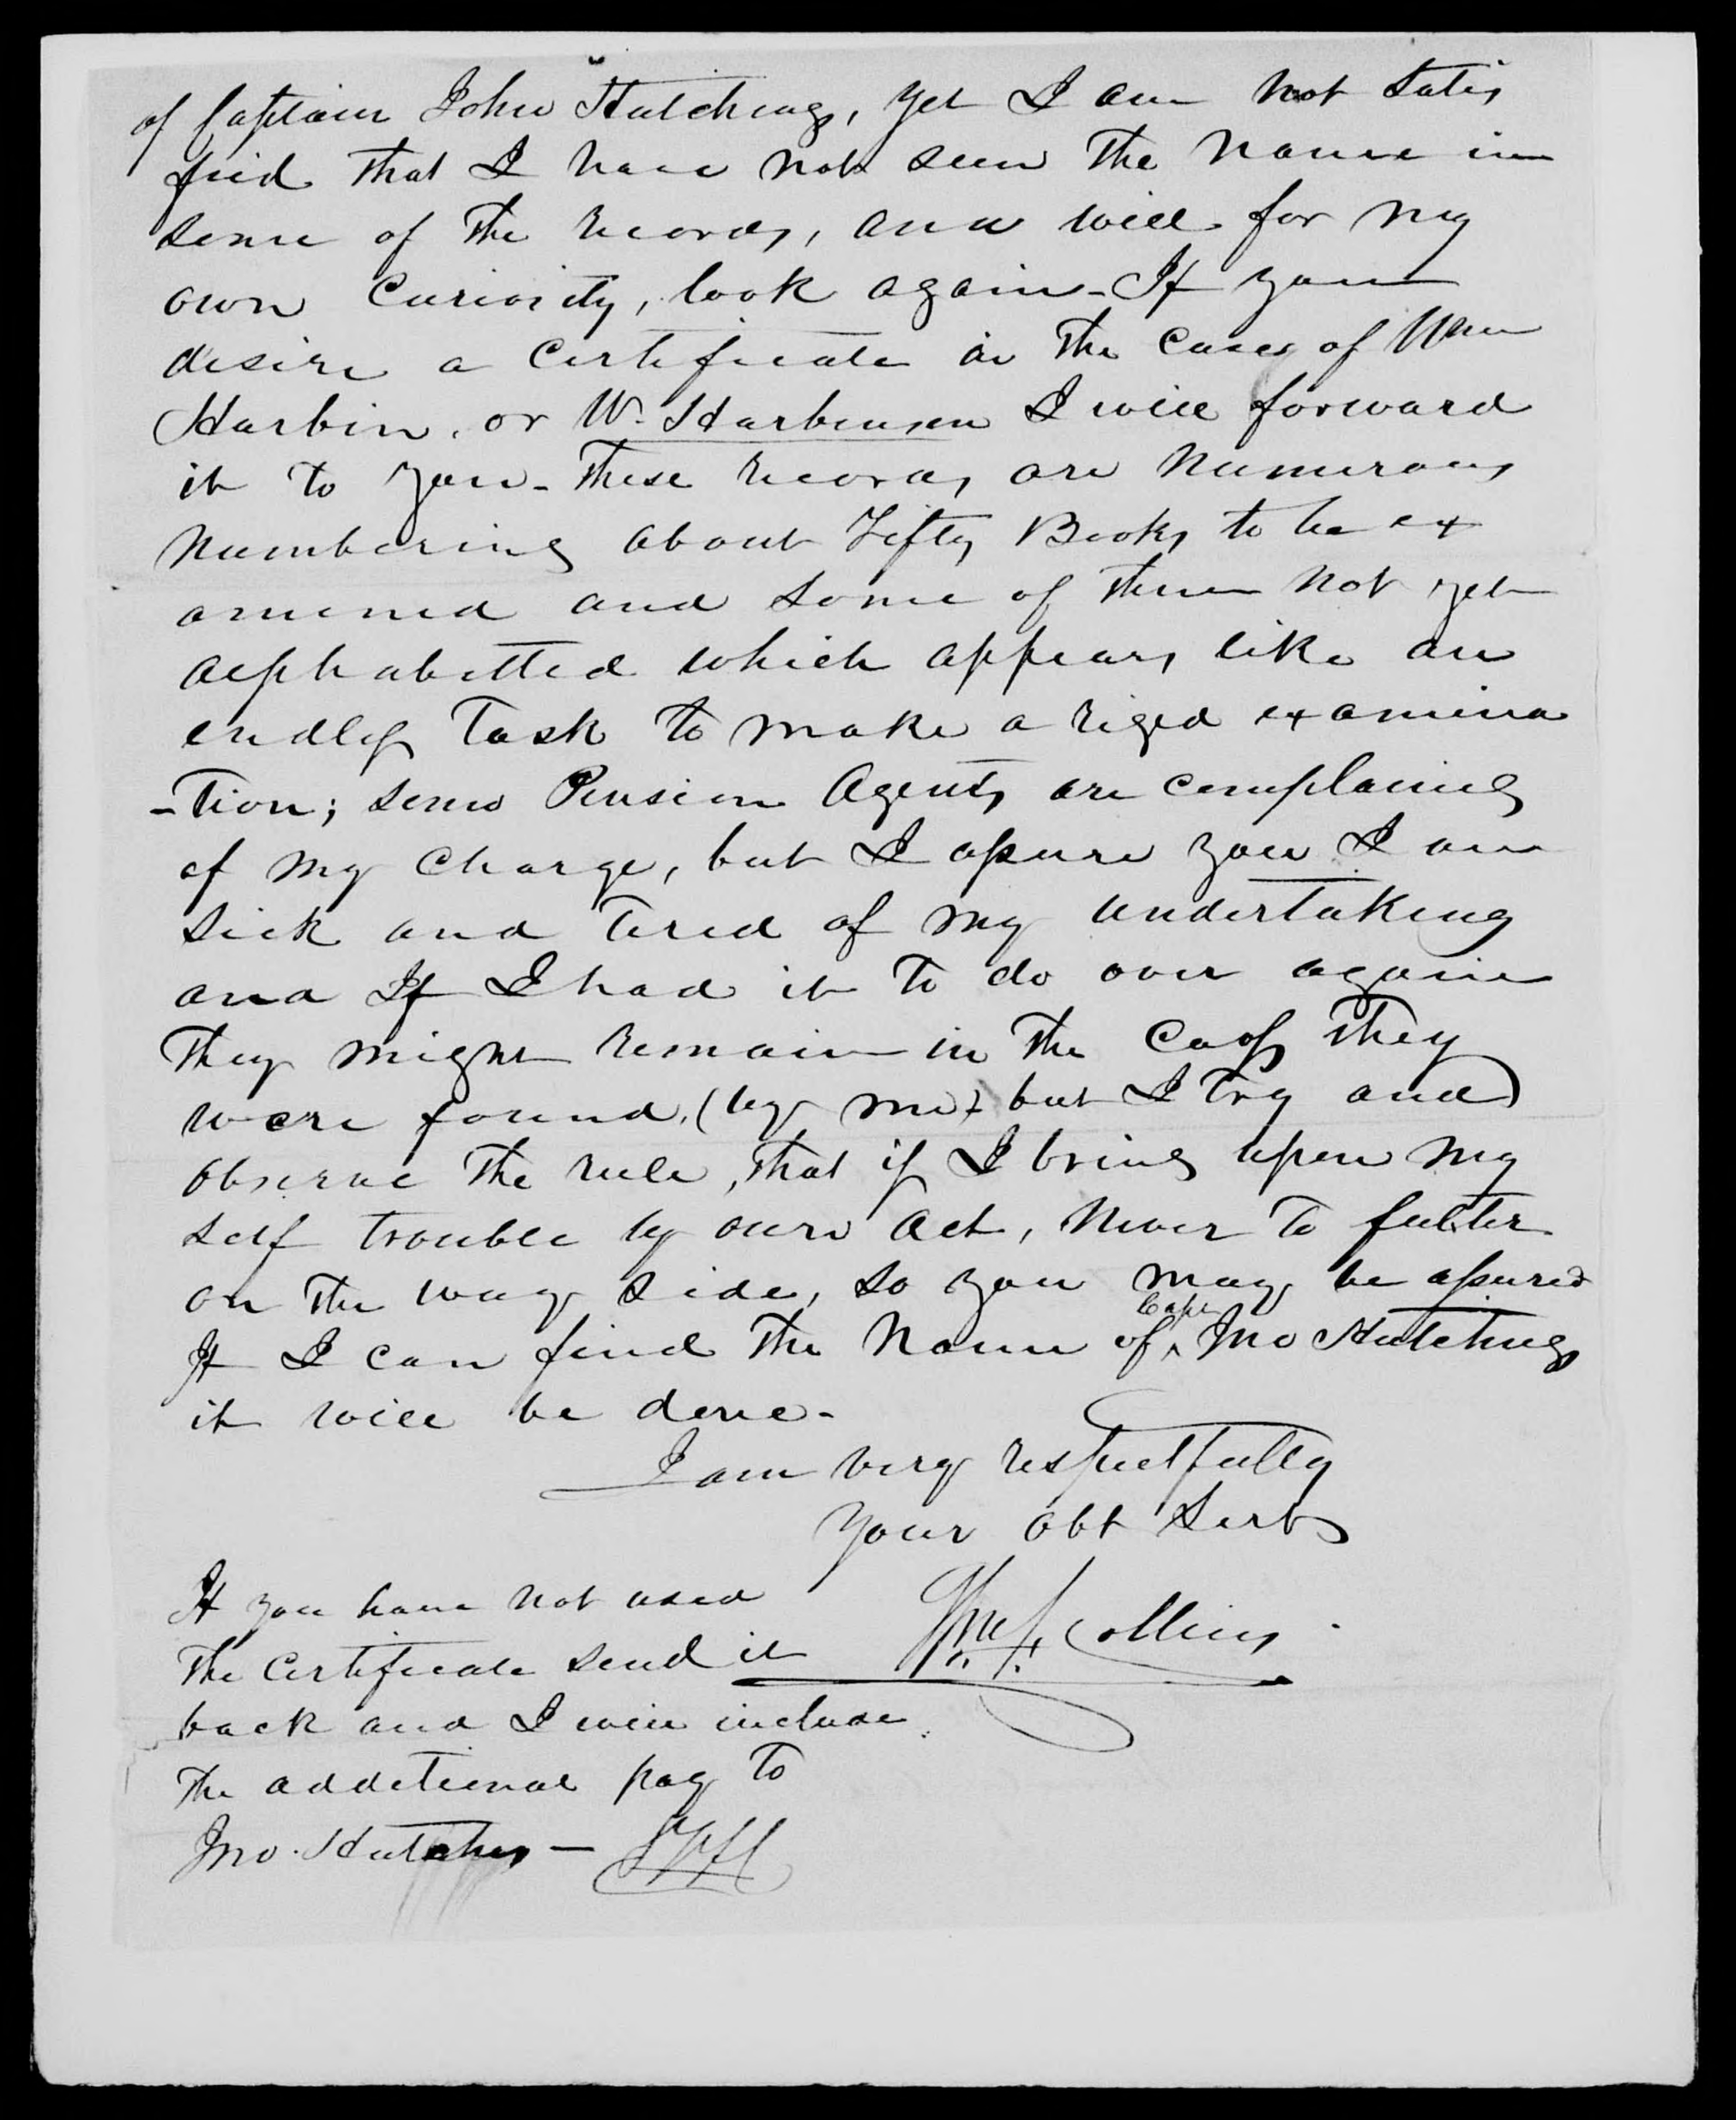Of Captain John Hutchings, I am not stating said that I have not seen the name in (not legible) records, and will for my own curiousity, look again. If you desire a certificate on the case of Wm Harbin (underlined) I will forward it to you. These records are numerous numbering about Fifty Books to be examined and some of them not yet alphabetted. Which appear like an endley task to make a sized examination; some Pension Agents are complaining of my charge, but I assure you (underlined) I am sick and tired of my undertaking and if I had it to do over again they might remain in the case they were found (by me) but I (not legible word) and observe the rule that if I bring upon myself trouble y our Act, never to falter on the way side, so you may be assured that I can find the name of (case written above of) John Hutchings it will be done. 
I am very respectfully
Your abt Serv
Wm Collins
If you have not asked the certificate sent it back and I will include the additional page to.
John Hutchings WM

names: John Hutchings, Wm Harbin, Wm F Collins, W Harbinson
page: 105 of 108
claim: rejected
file: R. 7,515, John Hudgins, N.C.